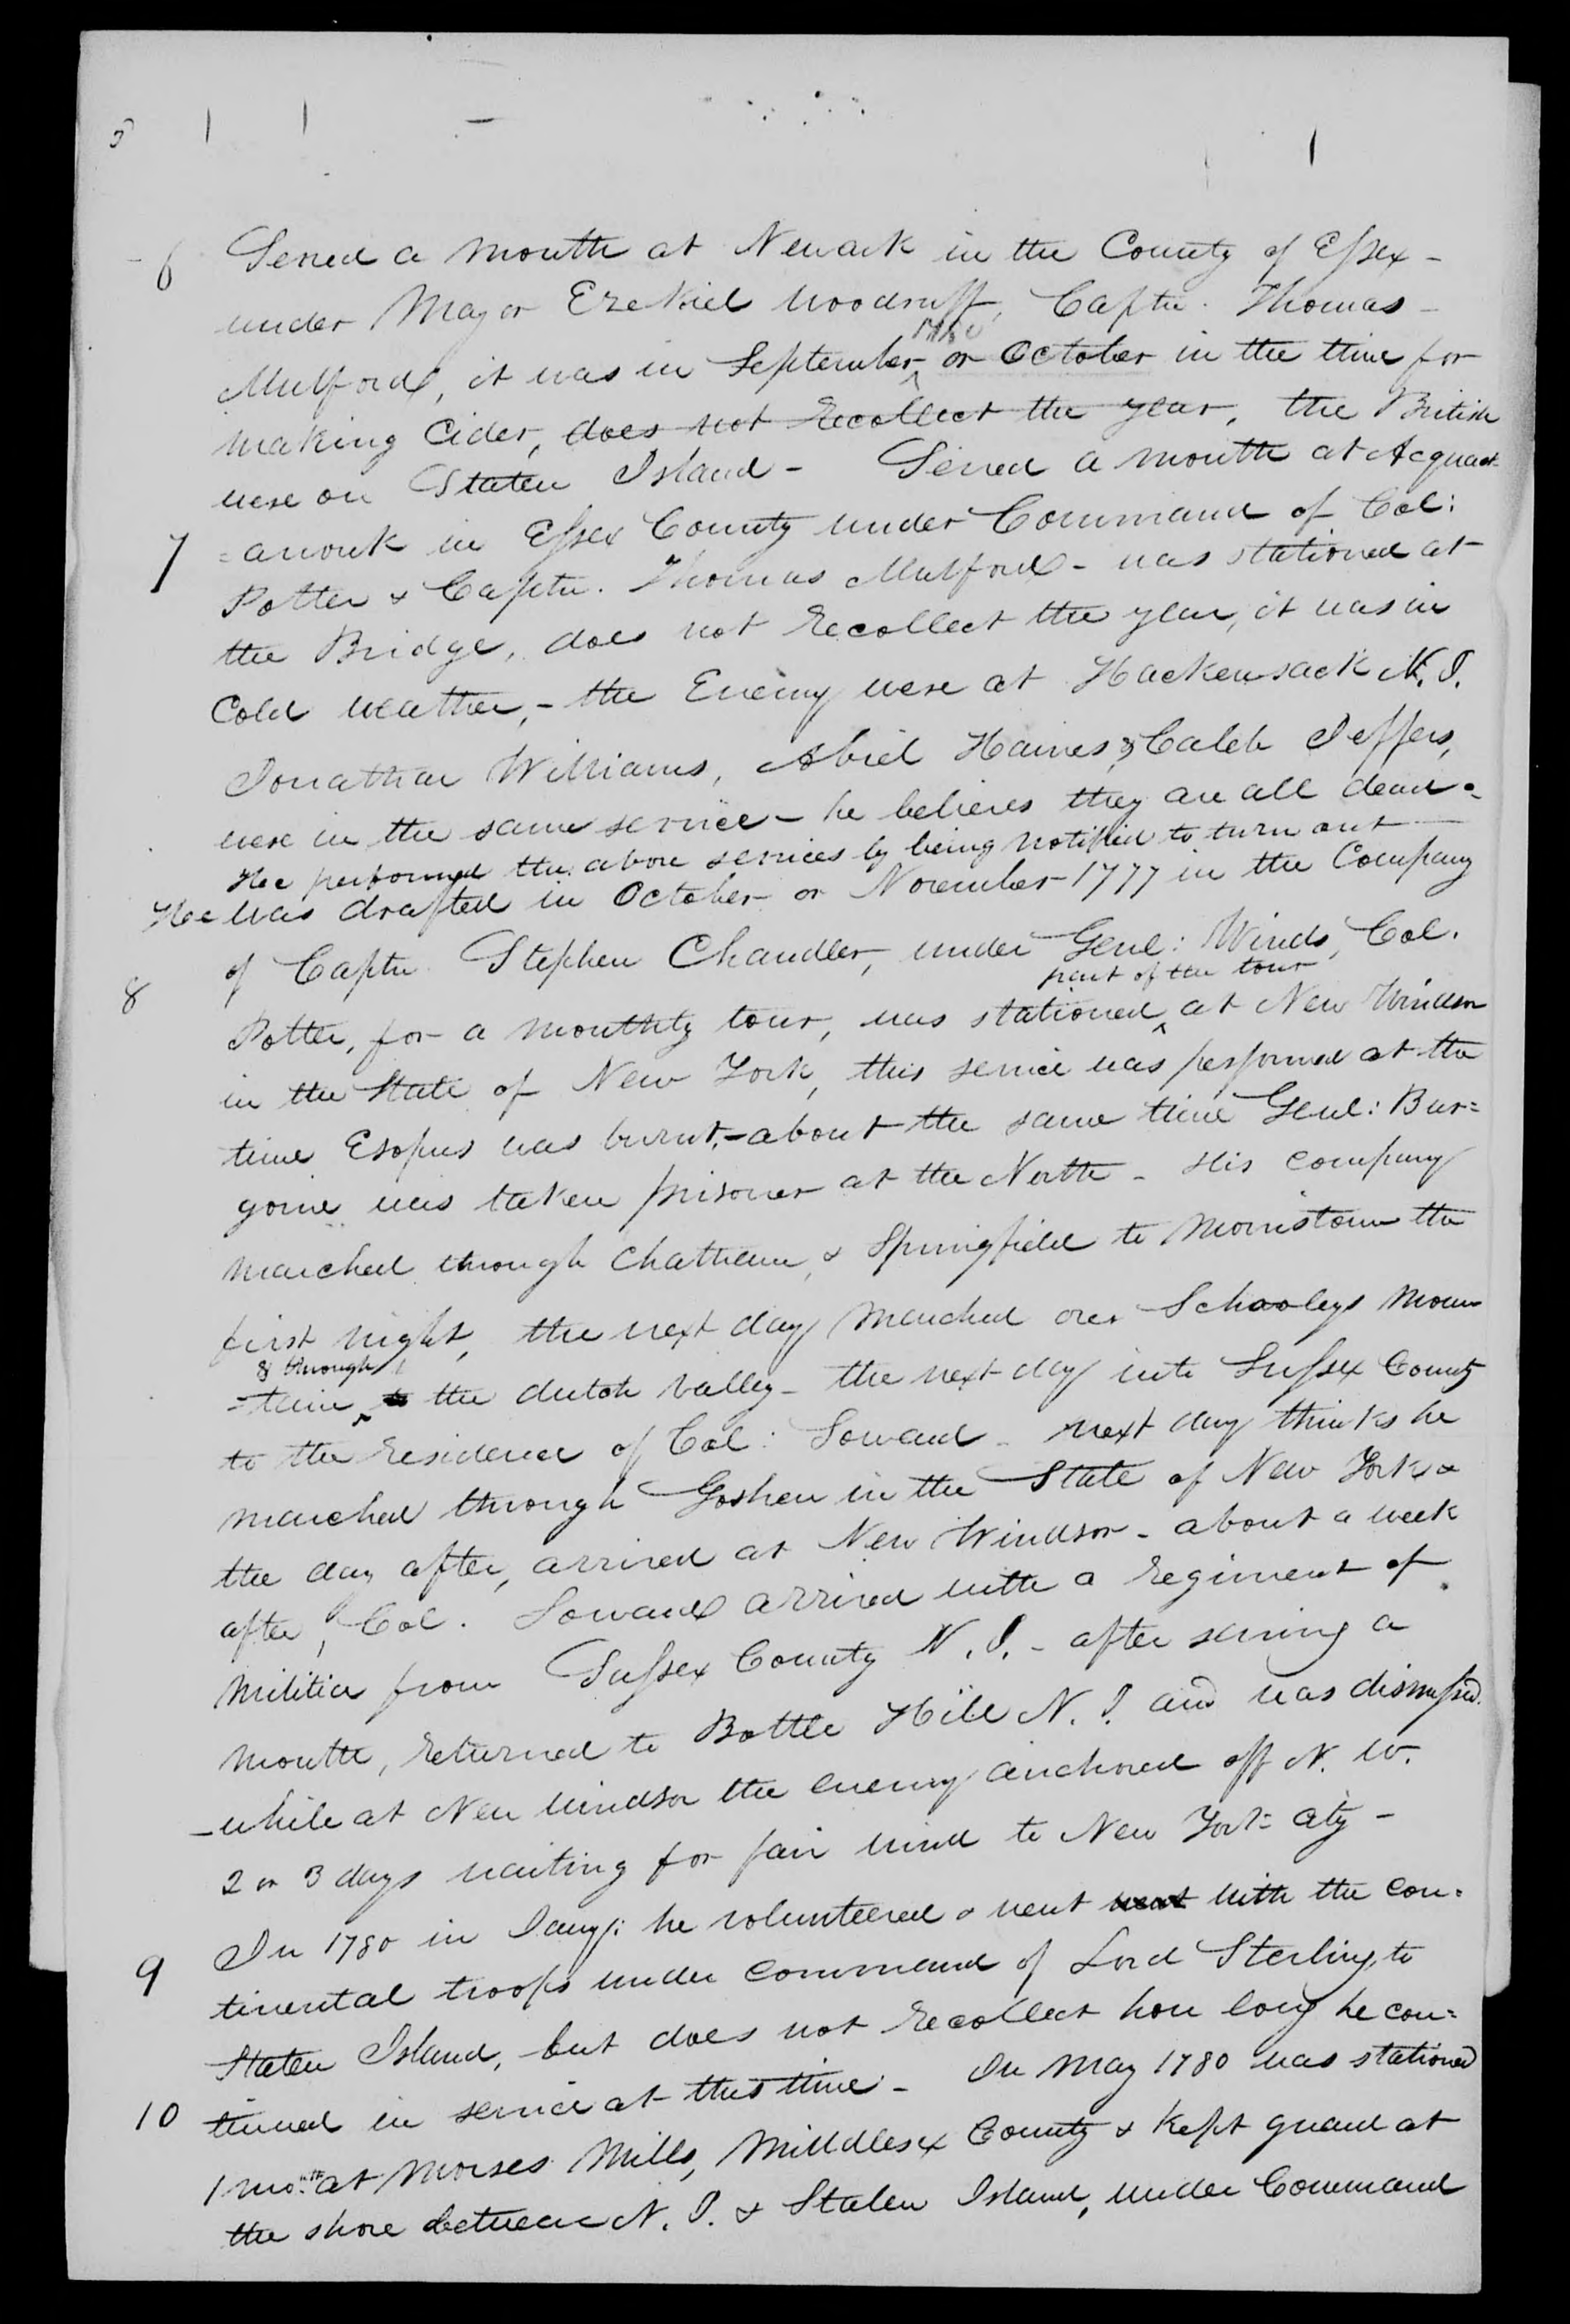6   Served a month at Newark in the County of Essex - 
under Major Ezekiel Woodruff, Capn. Thomas
Mulford, it was in September 1780 or October in the time for
making cider, does not recollect the year, the British
were on Staten Island -

7   Served a month at Acquaanouk? 
in Essex County under Command of Col:
Potter & Captn. Thomas Mulford - was stationed at
the Bridge, does not recollect the year, it was in
cold weather, - the enemy were at Hackensack N.J.
Jonathan Williams, Abiel Hanines, Caleb Jeffers, 
were in the same service - he believes they are all dead.
He performed the above services by being notified to turn out

8   He was drafted in October on November 1777 in the Company
of Captn Stephen Chandler, under Genl: Winds, Col. Potter, for a monthly tour, was stationed part of the tour at New Windsor
in the State of New York, this service was performed at the
time Esopus was burnt - about the same time Genl: Burgoine
was taken prisoner at the North - His company
marched through Mathane & Springfield to Morristown the
first night, the next day marched on Schooleys Mountain
& through the dutch valley-  the next day into Sussex County
to the residence of Col:  Soward  next day thinks he
marched through Goshen in the State of New York &
the day after, arrived at New Windsor - about a week
after, Col. Soward arrived with a regiment of
militia from Sussex County N.J. - after serving a
month, returned to Bottle Hill N.J. and was dismissed.
- while at New Windsor the enemy anchored off N. W.
2 or 3 days waiting for fair wind to New York City -

9   In 1780 in January he volunteered & next with the continental
troops under command of Lord Sterling, to
Staten Island, but does not recollect how long he continued 
his service at this time-  In May 1780 was stationed

10   1 mo. at Morses Mills, Middlesex County & kept guard at
the shore between N.J. & Staten Island, under command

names: Abiel Haines, Soward, Soward, Stephen Chandler, Winds, Potter, Jonathan Williams, Potter, Burgoine, Caleb Jeffers, Thomas Mulford, Thomas Mulford, Ezekiel Woodruff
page: 6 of 28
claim: survivor's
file: S 2464, John Conklin, New Jersey